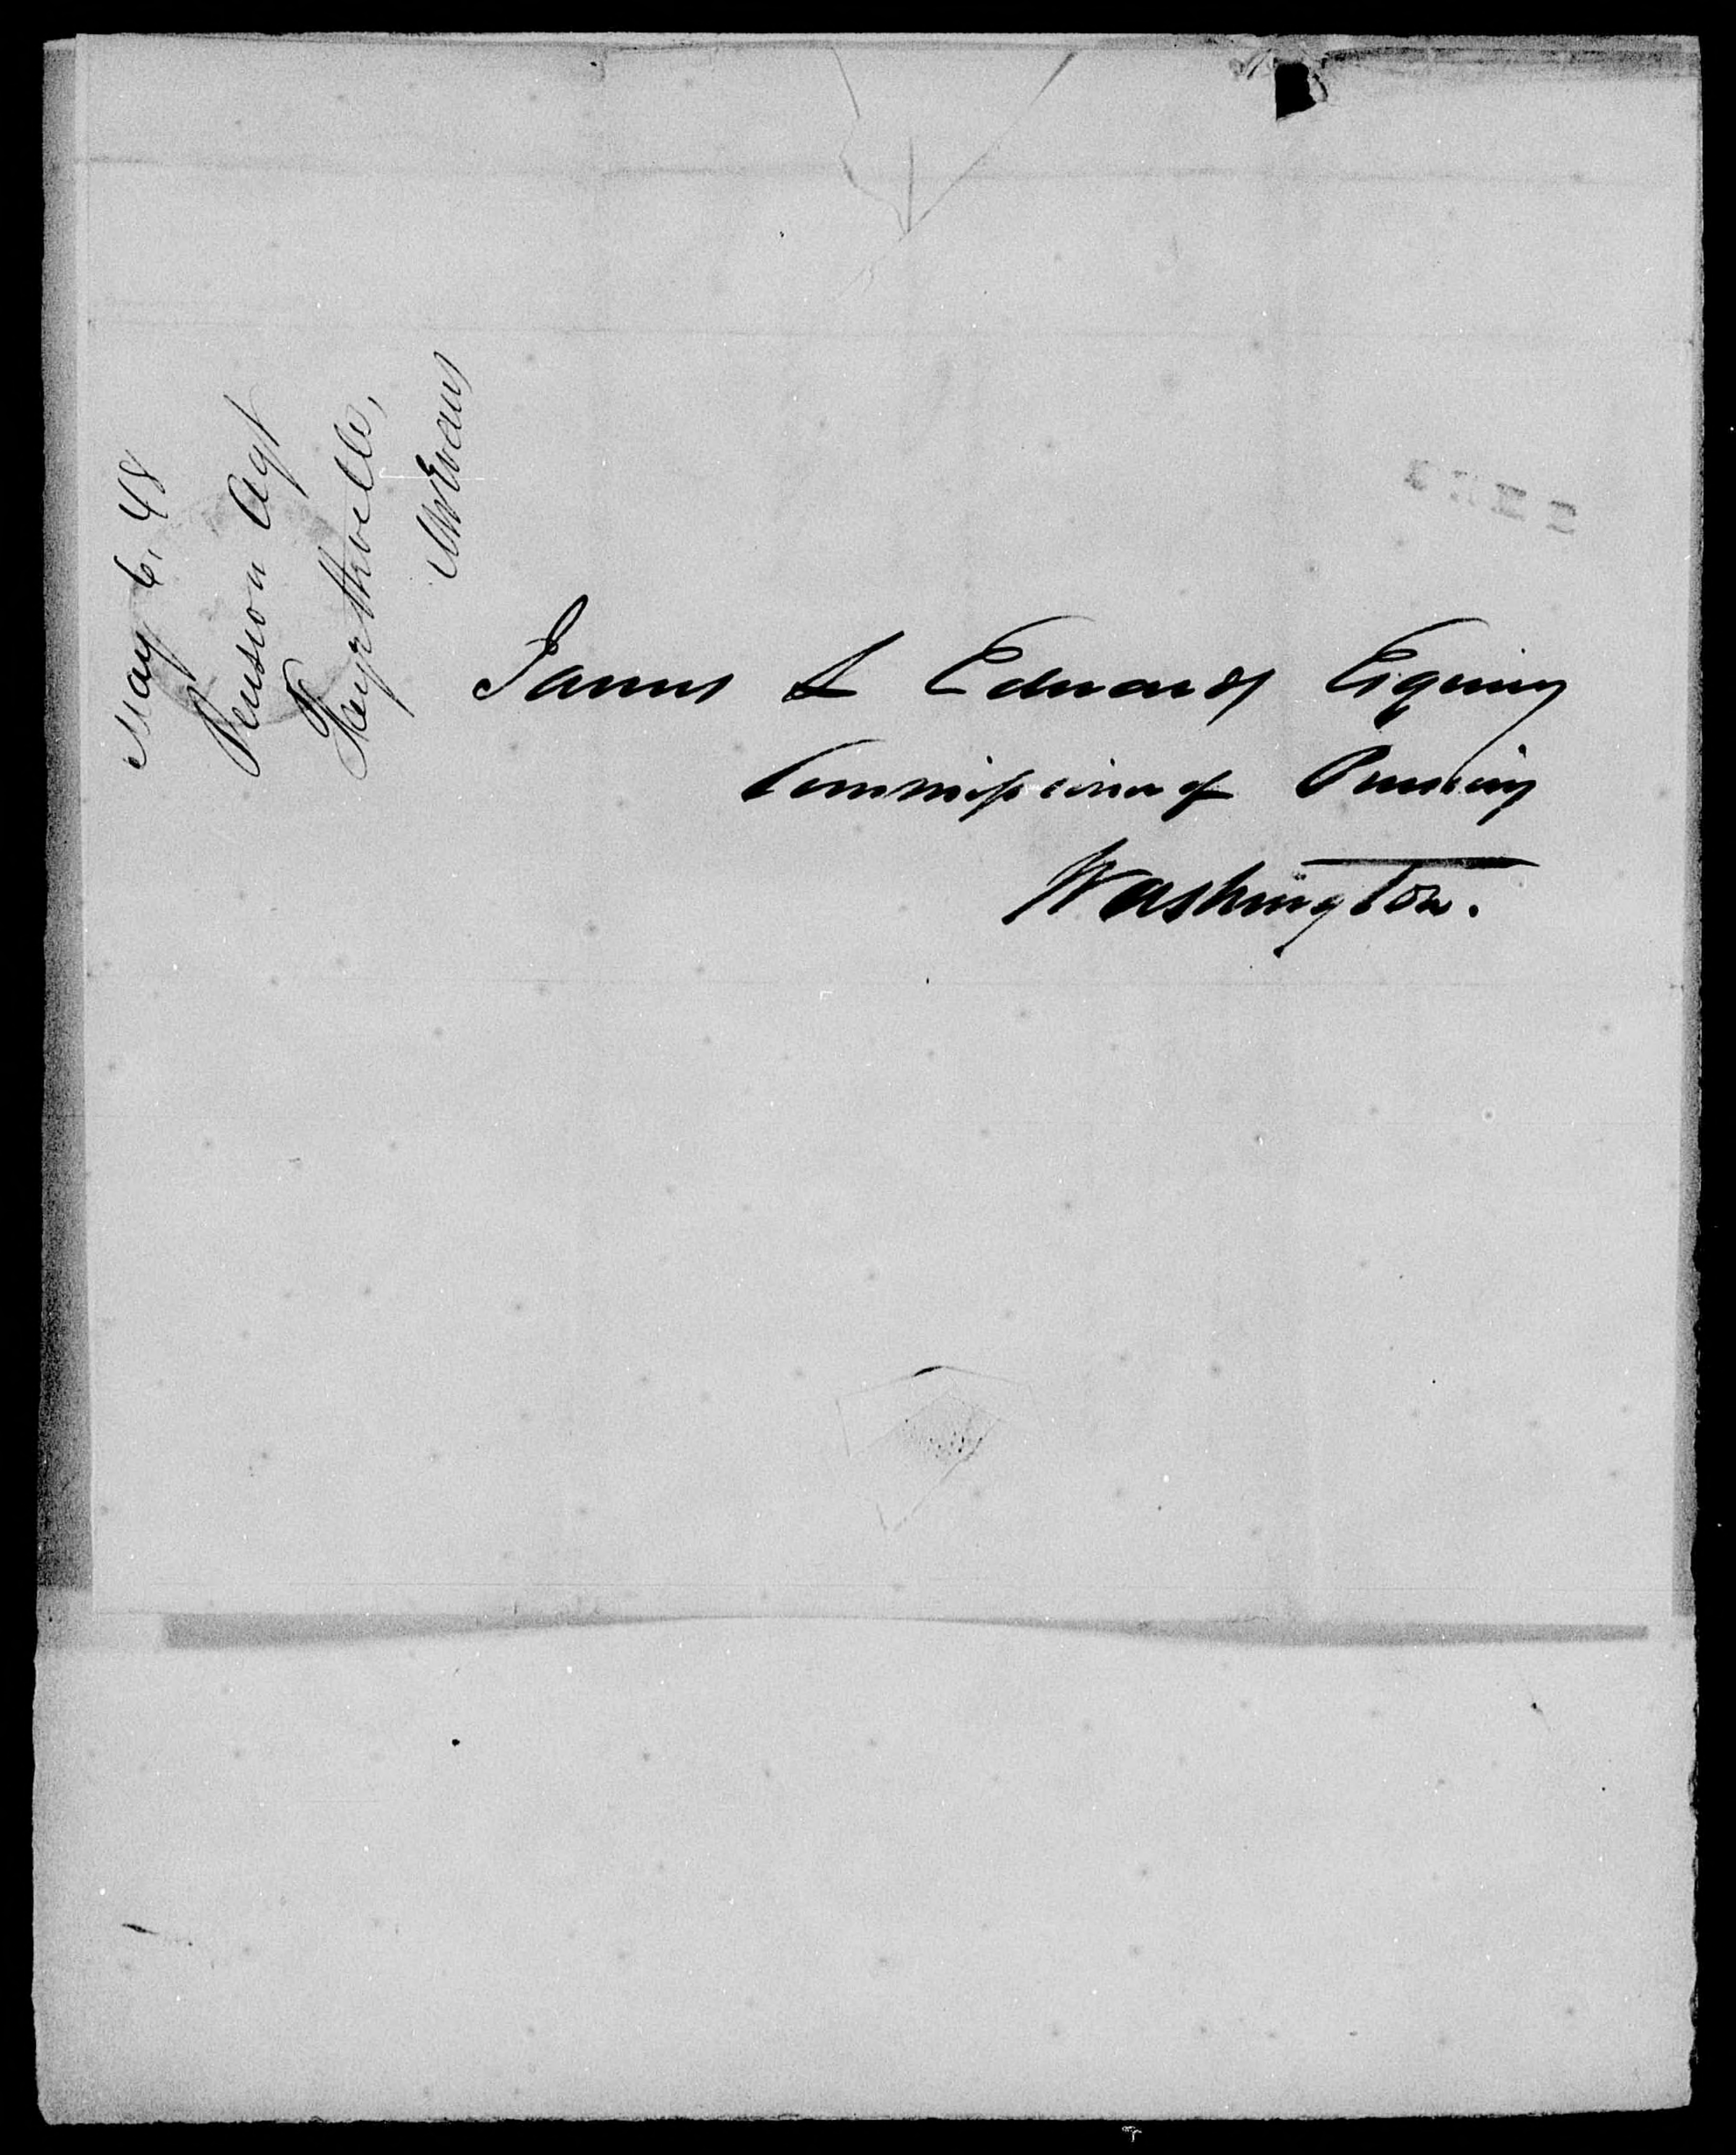FREE
James L Edwards Esquire
Commissioner of Pensions
Washington.

May 6, 48
Pension Agt
Fayetteville,
Mr Evans

[Stamp: illegible]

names: James L Edwards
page: 54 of 58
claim: survivor's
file: S. 6,941, Starling Gunn, Continental Va.